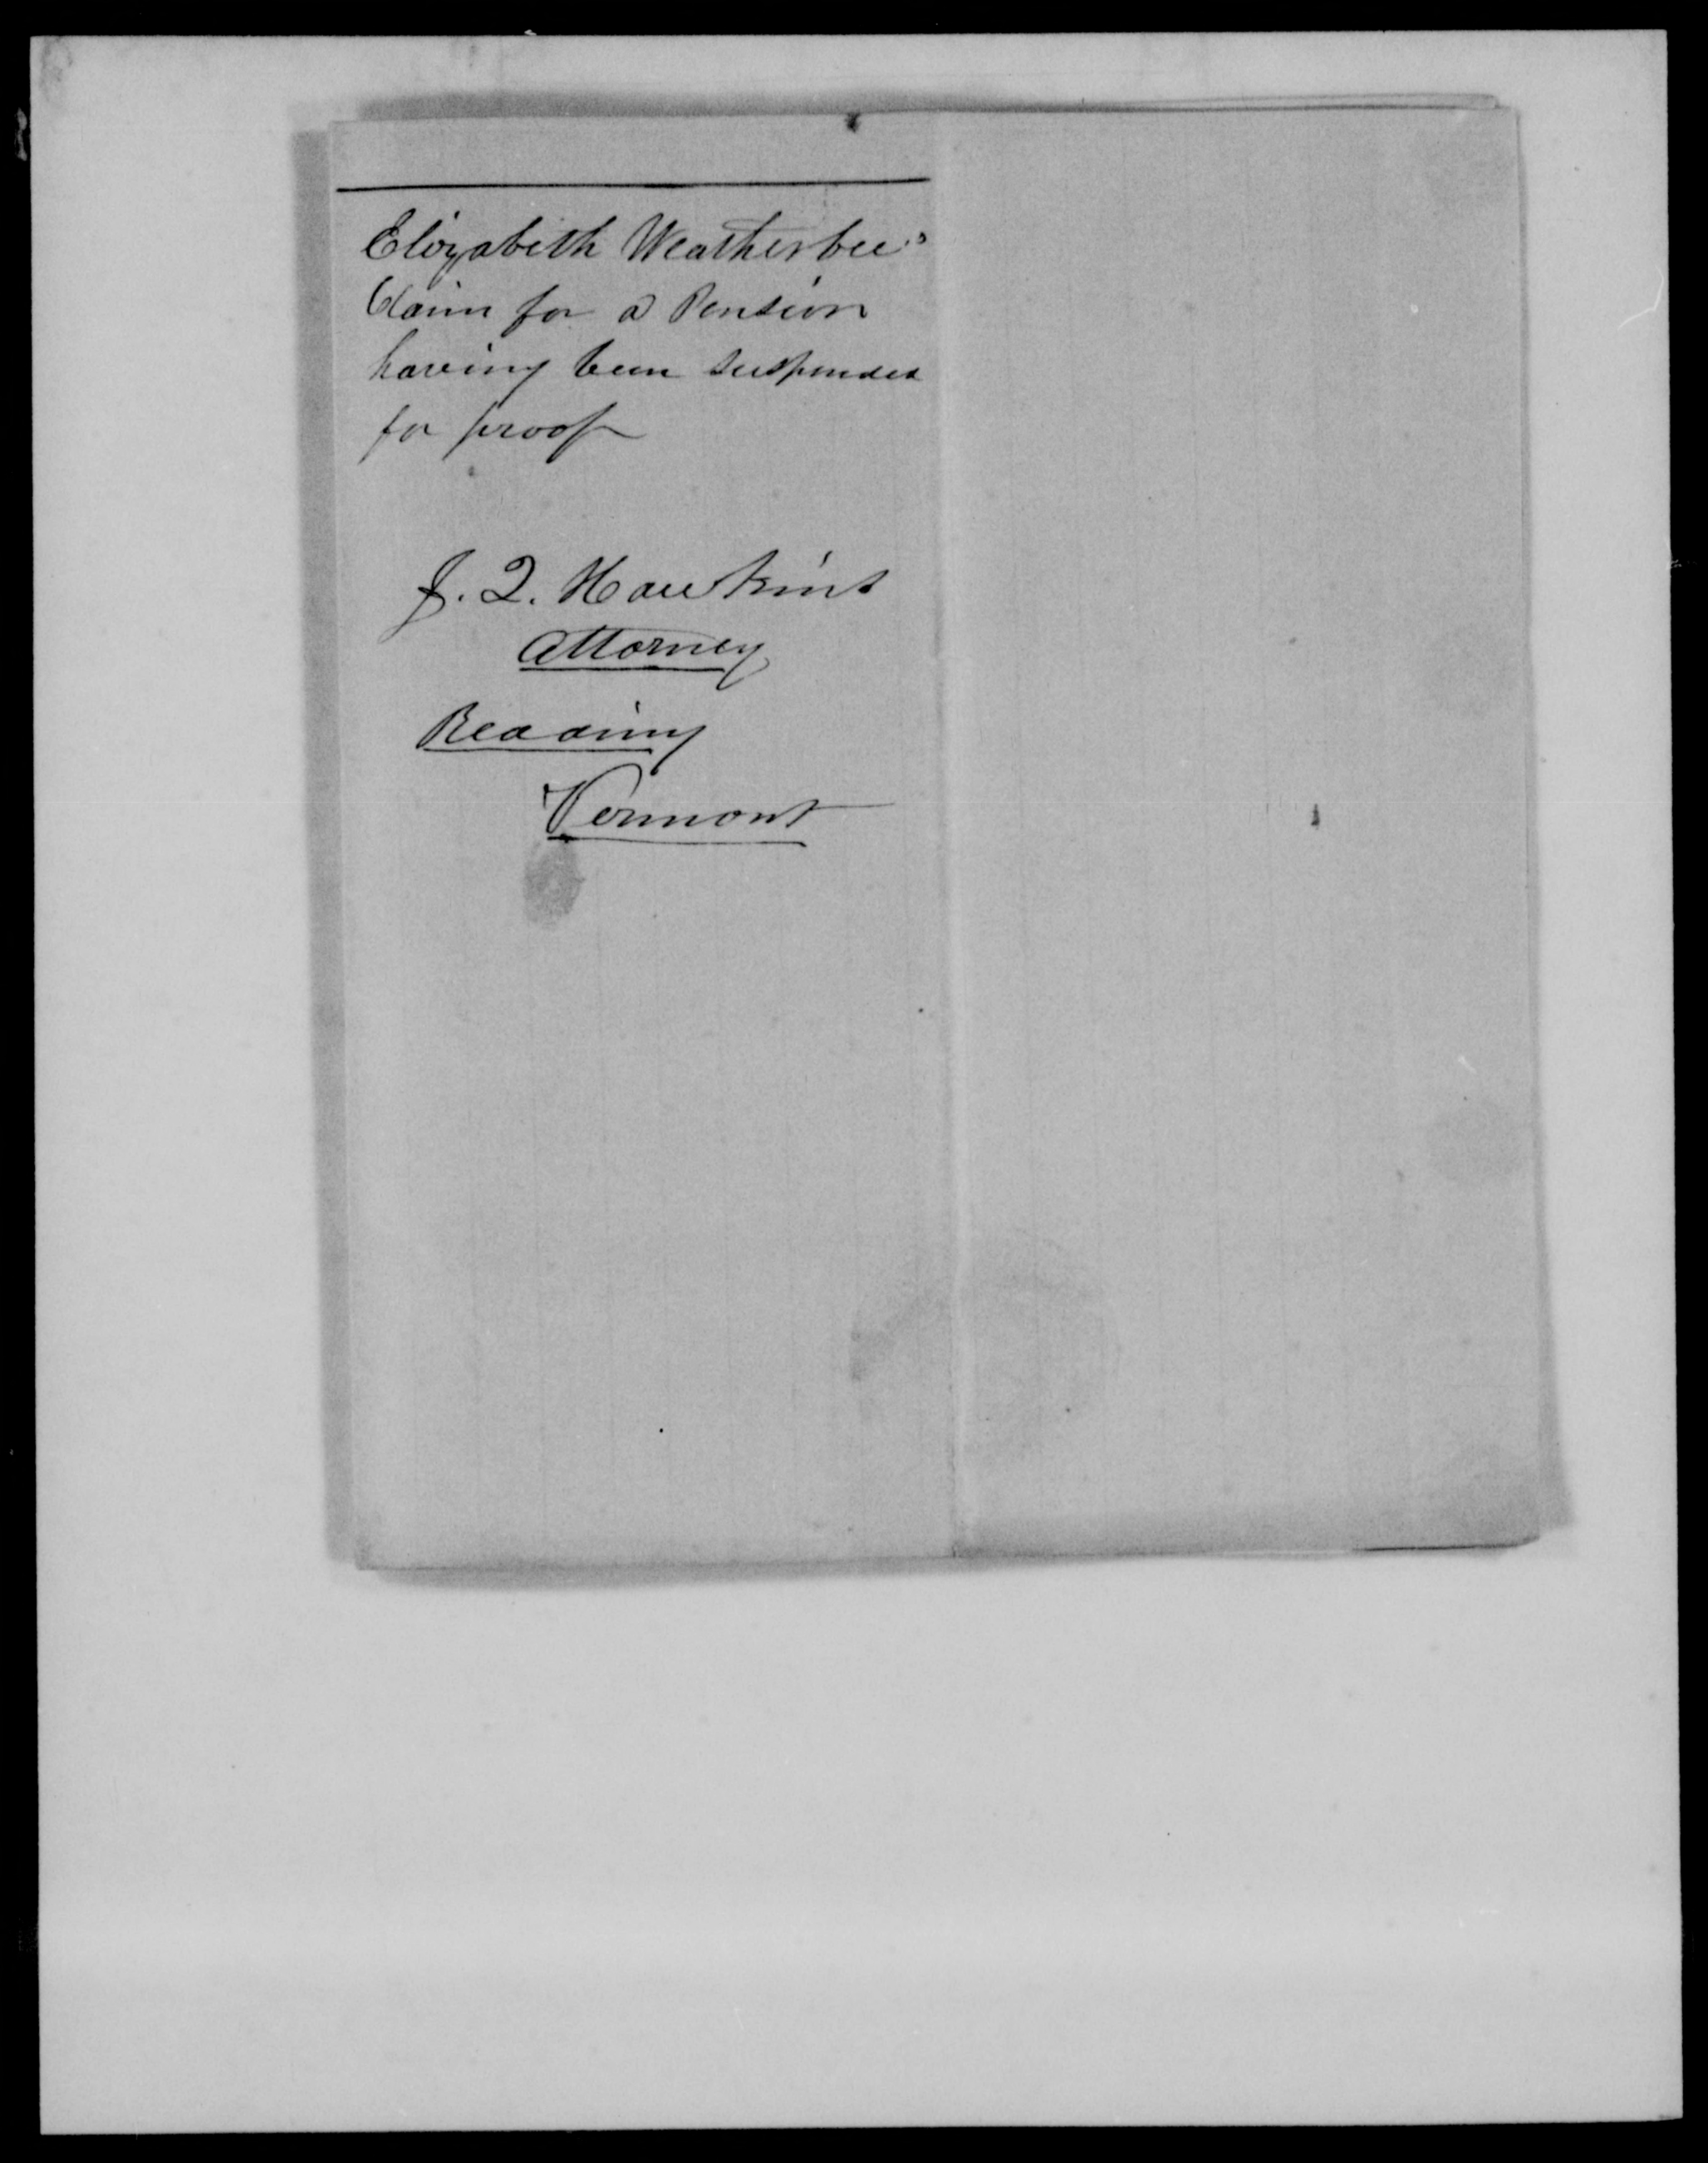Elizabeth Weatherbee's
claim for a Pension
having been suspended for proof

J. Q. Hawkins
Attorney
Reading
Vermont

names: Elizabeth Weatherbee, J Q Hawkins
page: 32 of 66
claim: widow's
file: W. 2468, Amos Wetherbee, Mass.